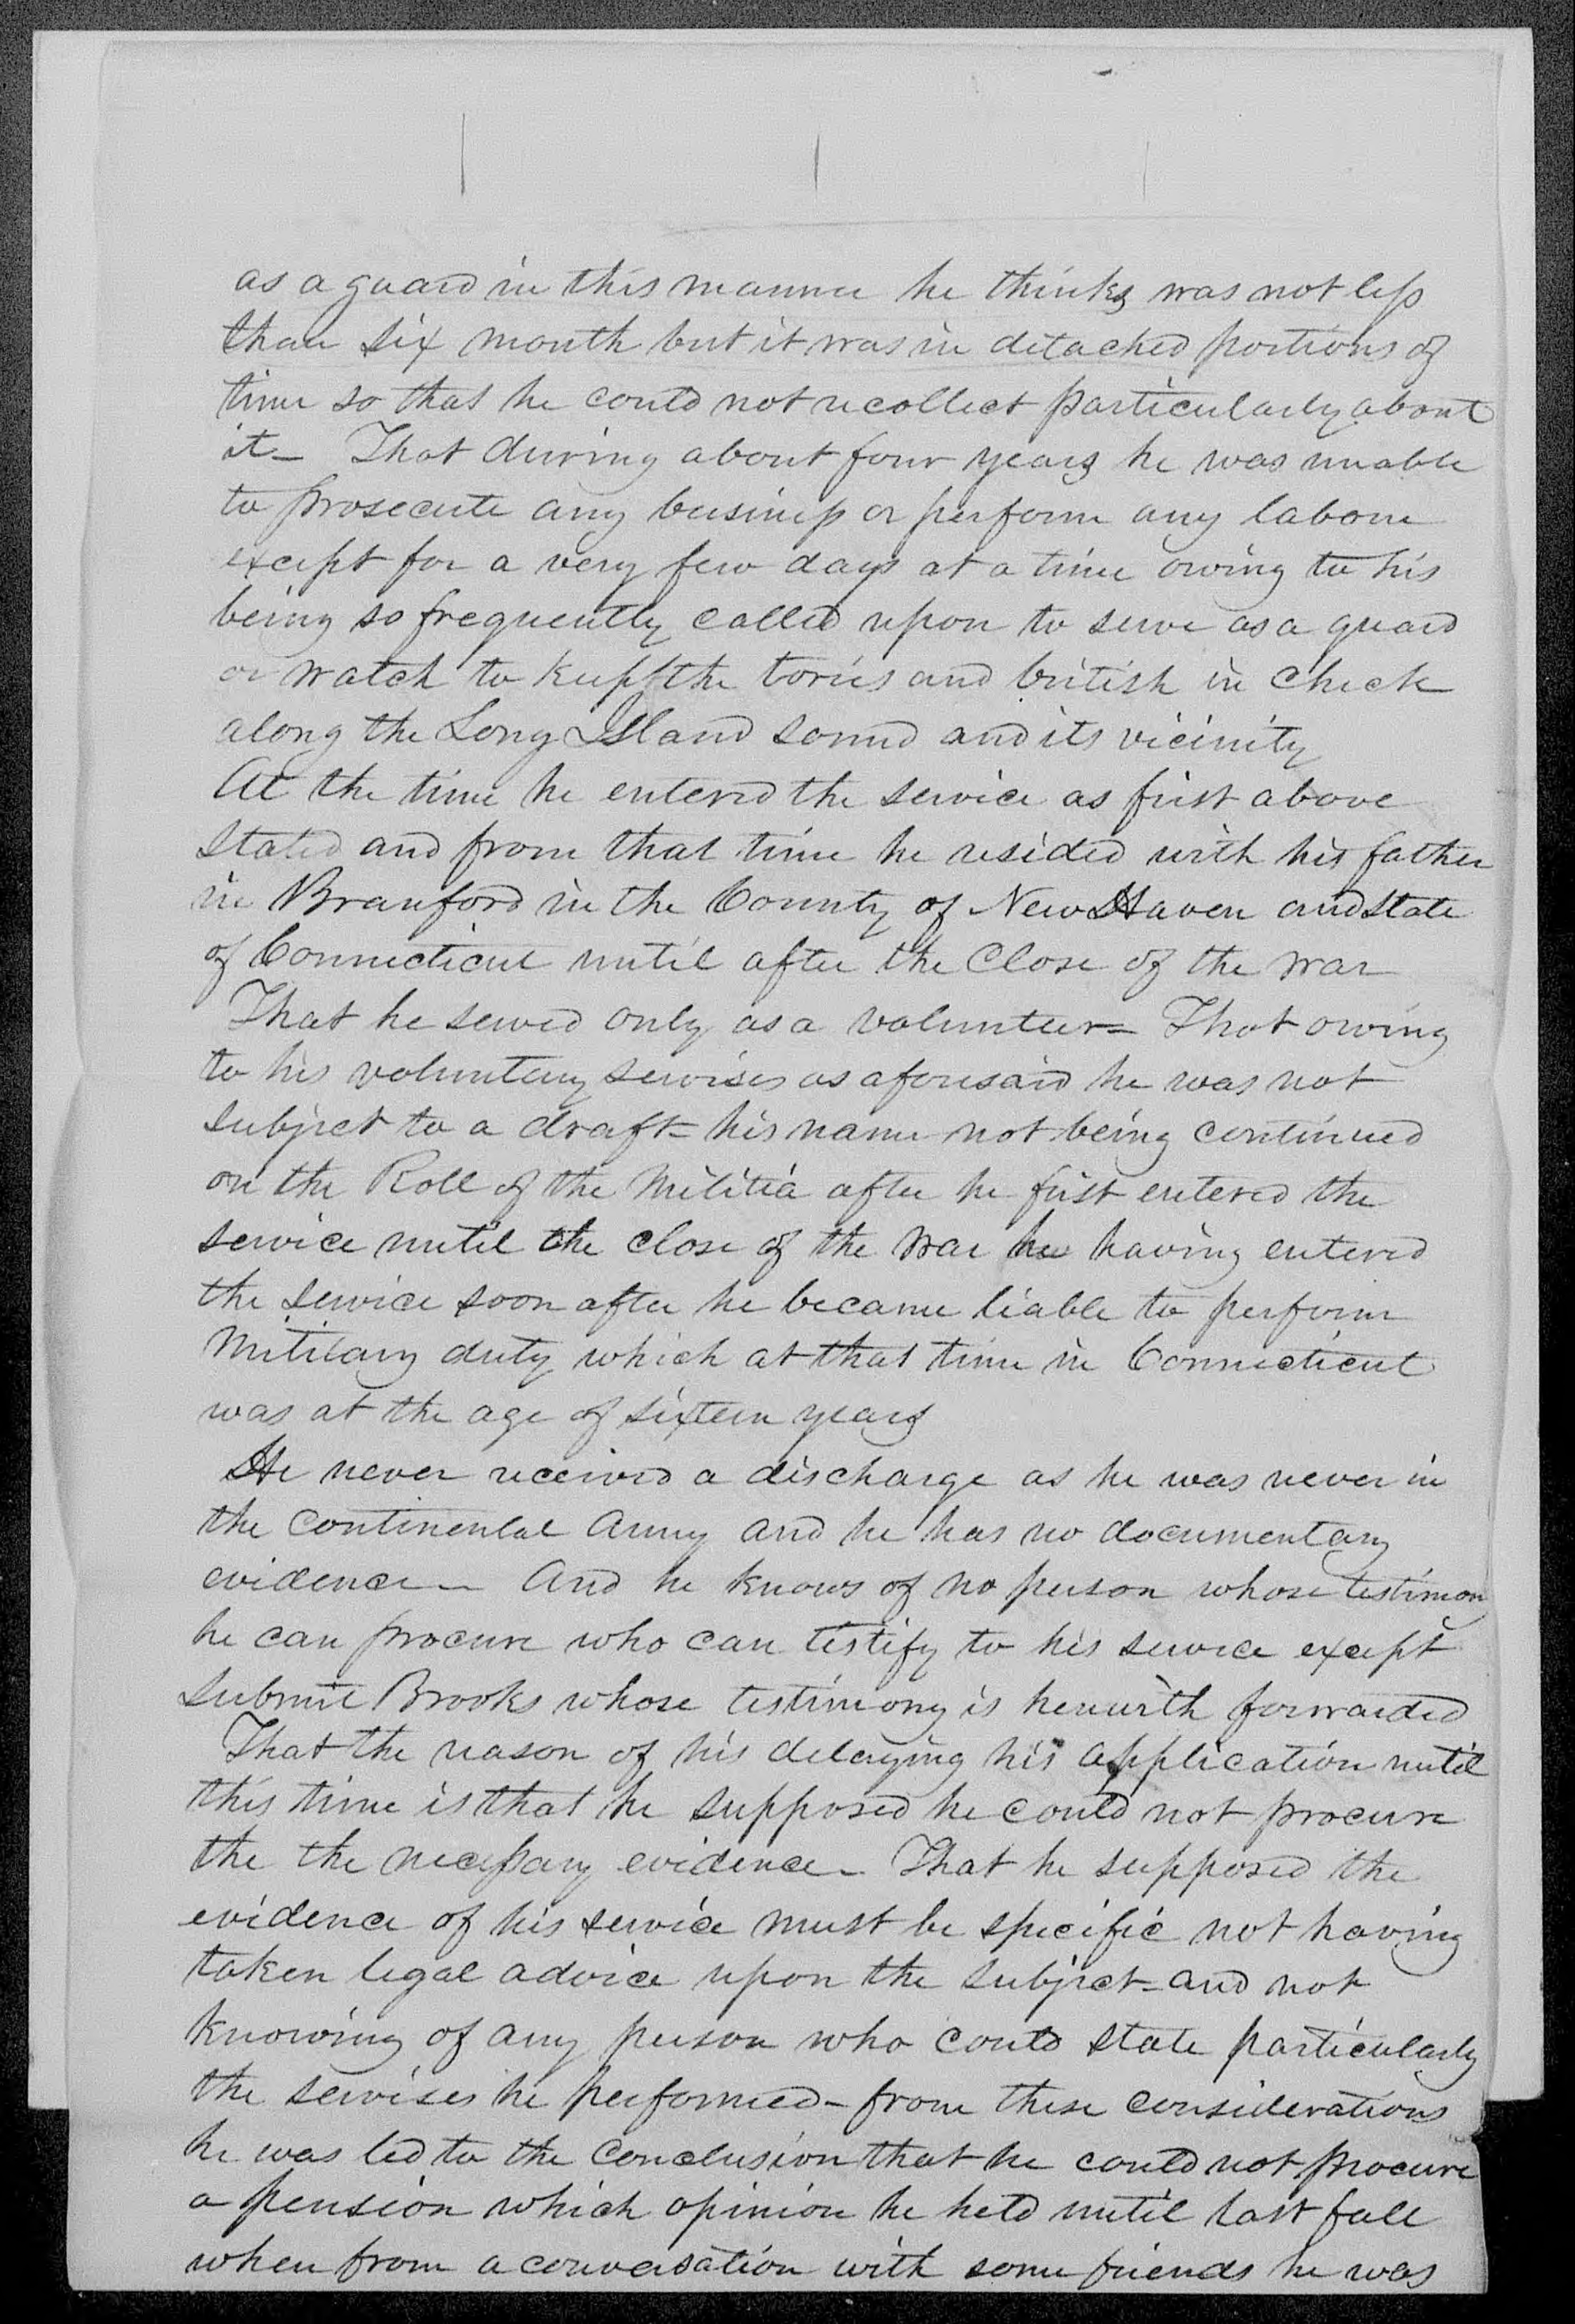as a guard in this manner he thinks was not less than six month but it was in detached portions of time so that he could not recollect particularly about it.   That during about four years he was unable to prosecute any business or perform any labour except for a very few days at a time owing to his being so frequently called upon to serve as a guard or watch to keep the Tories and British in check along the Long Island sound and its vicinity. 
At the time he entered the service as first above stated and from that time he resided with his father in Branford in the County of New Haven and State of Connecticut until after the close of the war That he served only as a volunteer.  That owing to his voluntary service as aforesaid he was not subject to a draft, his name not being continued on the Roll of the Militia after the first entered the service until the close of the war, he having entered the service soon after he became liable to perform Military duty which at that time in Connecticut was at the age of sixteen years. 
He never received a discharge as he was never in the continental Army.  And he has no documentary evidence. And he knows of no person whose testimony he can procure who can testify to his service except Submit Brooks whose testimony is herewith forwarded.   
That the reason of his delaying his application until this time is that he supposed he could not procure the the necessary evidence. That he supposed the evidence of his service must be specific not having taken legal advice upon the subject and not knowing of any person who could state particularly the services he performed, from these considerations he was led to the conclusion that he could not procure a pension which opinion he held until last fall when from a conversation with some friends he was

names: Submit Brooks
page: 6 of 35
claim: rejected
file: R. 501, Phineas Barker, Conn. Privateer